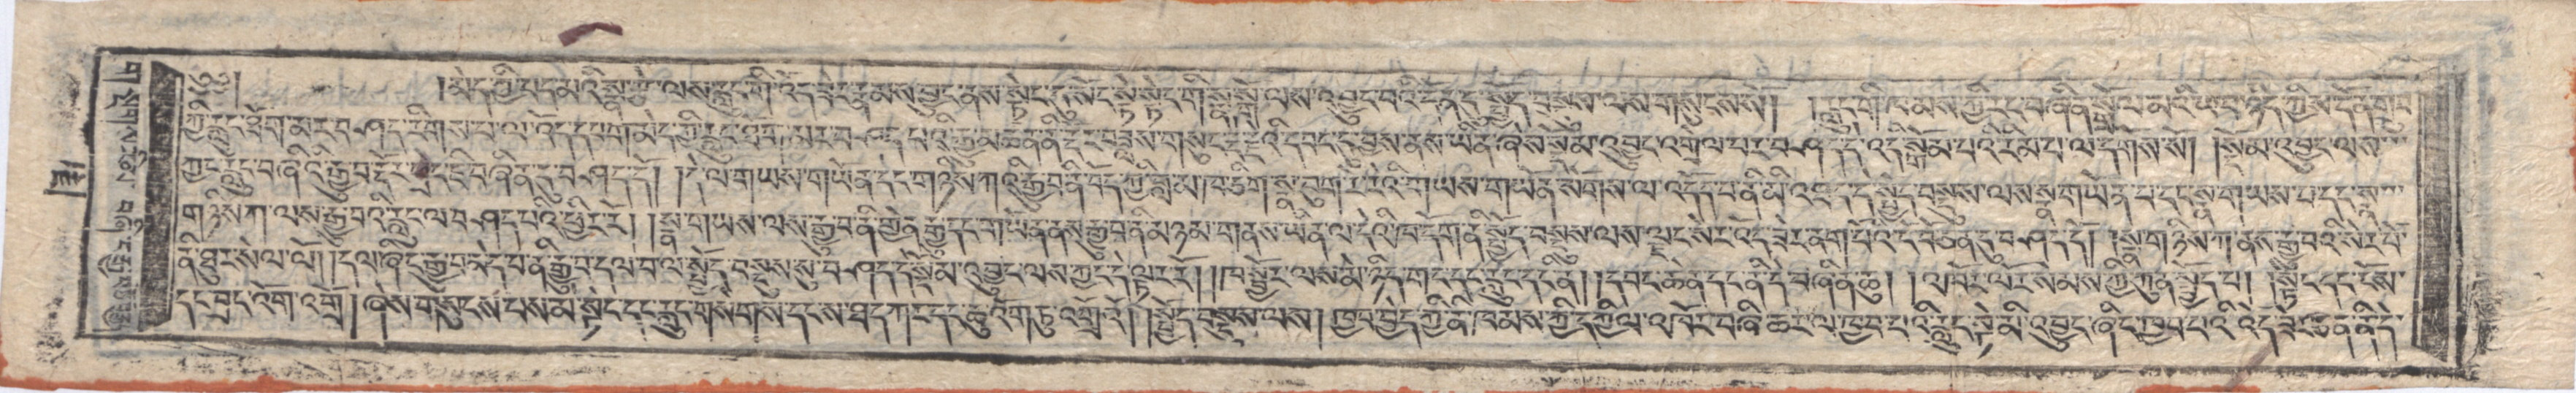༄༅། །མེད་ཀྱི་པད་མའི་སྣ་རྩེ་ལས་རླུང་གི་འོད་ཟེར་རྣམས་བྱུང་ནས་སྟེང་དུ་སོང་སྟེ་སྟེང་གི་སྣ་སྒོ་ལས་འབྱུང་བའི་དོན་དུ་སྤྱོད་བསྡུས་ལས་གསུངས་སོ། །རླུང་གི་ཁམས་ཀྱི་རང་བཞིན་སྒྲོལ་མའི་ཡབ་ཉིད་ཀྱིས་དོན་གྲུབ་
ཀྱི་རླུང་ཐོག་མར་བཤད་རིགས་པ་ལ་འོད་དཔག་མེད་ཀྱི་རླུང་ཐོག་མར་བཤད་པའི་རྒྱུ་མཚན་ནི་རྡོར་བཟླས་གསུང་རྡོ་རྗེའི་དབང་དུ་བྱས་ནས་ཡིན་ཞེས་སྡོམ་འབྱུང་འགྲེལ་པར་བཤད་དེ་འདི་སྒོམ་པའི་རིམ་པ་ལ་དགོས་སོ། །སྡོམ་འབྱུང་ལས་
ཀྱང་རླུང་བཞིའི་རྒྱུ་བ་རྡོར་ཕྲེང་ཇི་བཞིན་དུ་བཤད་དོ། །དེ་ལ་གཡས་གཡོན་དང་གཉིས་ཀའི་རྒྱུ་བ་ནི་བོད་ཀྱི་བླ་མ་ཁ་ཅིག་སྣ་བུག་རེ་རེའི་གཡས་གཡོན་སོགས་ལ་འདོད་པ་ནི་མི་འཐད་དེ་སྤྱོད་བསྡུས་ལས་སྣ་གཡོན་པ་དང་སྣ་གཡས་པ་དང་སྣ་
གཉིས་ཀ་ལས་རྒྱུ་བའི་རླུང་ལ་བཤད་པའི་ཕྱིར་རོ། །སྣ་གཡས་ལས་རྒྱུ་བ་ནི་གྱེན་རྒྱུ་དང་གཡོན་ནས་རྒྱུ་བ་ནི་མཉམ་གནས་ཡིན་ལ་དེའི་ཁ་དོག་ནི་སྤྱོད་བསྡུས་ལས་ལྗང་སེར་འོད་ཟེར་ནག་པོའི་ངོ་བོ་ཅན་དུ་བཤད་དོ། །སྣ་གཉིས་ཀ་ནས་རྒྱུ་བའི་སེར་པོ་
ནི་ཐུར་སེལ་ལོ། །དལ་ཞིང་རྒྱུ་བ་མེད་པ་ནི་རྒྱུ་བ་དལ་བ་ལ་སྤྱོད་བསྡུས་སུ་བཤད་དེ་སྡོམ་འབྱུང་ལས་ཀྱང་དེ་ལྟར་རོ། །ཁ་སྦྱོར་ལས་མེ་ཉིད་གང་དང་རླུང་དང་ནི། །དབང་ཆེན་དང་ནི་དེ་བཞིན་ཆུ། །འཁོར་ལོར་སེམས་ཀྱི་ཀུན་སྤྱོད་པ། །སྟེང་དང་ངོས་
དང་བྲང་འོག་འགྲོ། ཞེས་གསུངས་པས་མེ་སྟེང་དང་རླུང་གསེགས་དང་ས་ཐད་ཀར་དང་ཆུ་འོག་ཏུ་འགྲོའོ། །སྤྱོད་བསྡུས་ལས། ཁྱབ་བྱེད་ཀྱི་ནི་ཁམས་ཀྱི་དཀྱིལ་འཁོར་བཞི་ཆར་ལ་ཁྱབ་པའི་རླུང་སྟེ་མི་འབྱུང་ཞིང་ཁྱབ་པའི་འོད་ཟེར་ཅན་ནི་དེ་